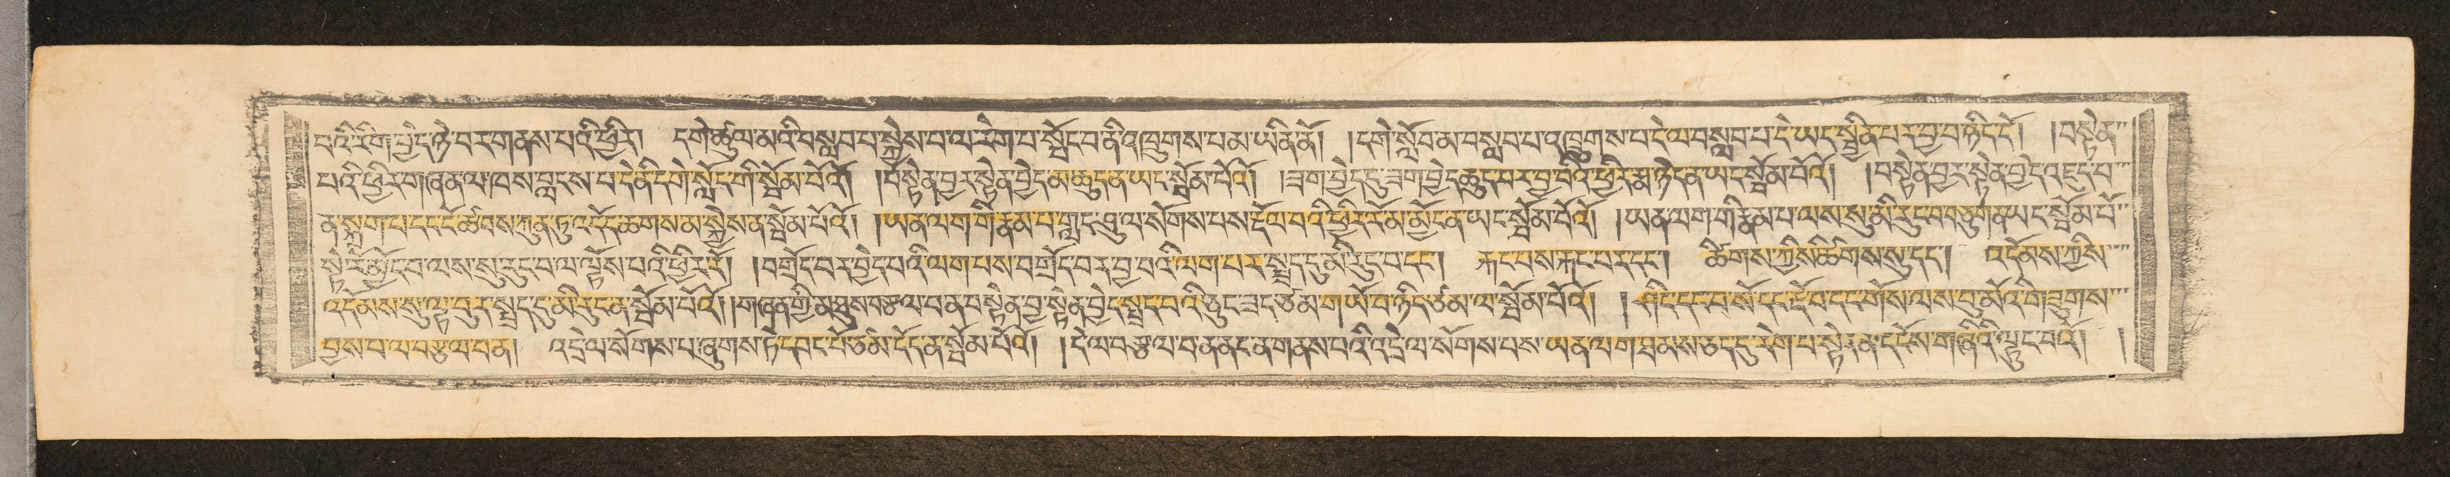བའི་རིག་བྱེད་ཉེ་བར་གནས་པའི་ཕྱིར། དགེ་ཚུལ་མའི་བསླབ་པ་སྐྱེས་པ་ལ་རེག་པ་སྤོང་བ་ནི་འཁྲུགས་པ་མ་ཡིན་ནོ། །དགེ་སློབ་མ་བསླབ་པ་འཁྲུགས་པ་དེ་ལ་བསླབ་པ་དེ་ཡང་སྦྱིན་བར་བྱ་བ་ཉིད་དོ། །བསྟེན་
པའི་ཕྱིར་གཞན་ལ་ཁས་བླངས་པ་དེ་ནི་དགེ་སློང་གི་སྦོམ་པོའོ། །བསྟེན་བྱར་སྟེན་བྱེད་མ་ཆུད་ན་ཡང་སྦོམ་པོའོ། །ཟག་བྱེད་དུ་ཟག་བྱེད་ཆུད་པར་བྱ་བའི་ཕྱིར་རྨ་ཉེད་ན་ཡང་སྦོམ་པོའོ། །བསྟེན་བྱར་སྟེན་བྱེད་འཇུད་པ་
ན་སྐྲག་པ་དང་ངོ་ཚབས་ཀུན་ཏུ་འདོད་ཆགས་མ་སྐྱེས་ན་སྦོམ་པོའོ། །ཡན་ལག་གི་རྣམ་པ་གླང་ཤུ་ལ་སོགས་པས་རྡོལ་བའི་ཕྱིར་རོམ་མྱོང་ན་ཡང་སྦོམ་བོའོ། །ཡན་ལག་གི་རྣམ་པ་ལས་སུ་མི་རུང་བ་བཅུག་ན་ཡང་སྦོམ་པོ་
སྟེ་རོ་མྱོང་བ་ལས་སུ་རུང་པ་ལ་ལྟོས་པའི་ཕྱིར་རོ། །བགྲོད་བར་བྱེད་པའི་ལག་པས་བགྲོད་པར་བྱ་བའི་ལག་བར་སྤྲད་དུ་མི་རུང་བ་དང་། རྐང་པས་རྐང་པར་དང་། ཚིགས་ཀྱིས་ཚིགས་སུ་དང་། འདོམས་ཀྱིས་
འདོམས་སུ་ལྟ་བུར་སྤྲད་དུ་མི་རུང་ན་སྦོམ་པོའོ། །གཞན་གྱི་མཐུས་བརྩལ་བ་ན་བསྟེན་བྱ་སྟེན་བྱེད་སྤྲད་པའི་ཅུང་ཟད་ཙམ་གཡོ་བ་ཉིད་ཙམ་ལ་སྦོམ་པོའོ། །ཤིང་དང་བ་སོ་དང་རྡོ་བ་དང་གོས་ལས་བུ་མོའི་གཟུགས་
བྱས་པ་ལ་བརྩལ་བ་ན། འདྲེ་ལ་སོགས་པ་ཞུགས་ཏེ་དབང་པོ་ཙམ་དོད་ན་སྦོམ་པོའོ། །དེ་ལ་བརྩལ་བ་ན་ནང་ན་གནས་པའི་འདྲེ་ལ་སོགས་པས་ཡན་ལག་ཐམས་ཅད་དུ་རེག་པ་སྟེར་ན་དངོས་གཞིའི་ལྟུང་བའོ། །